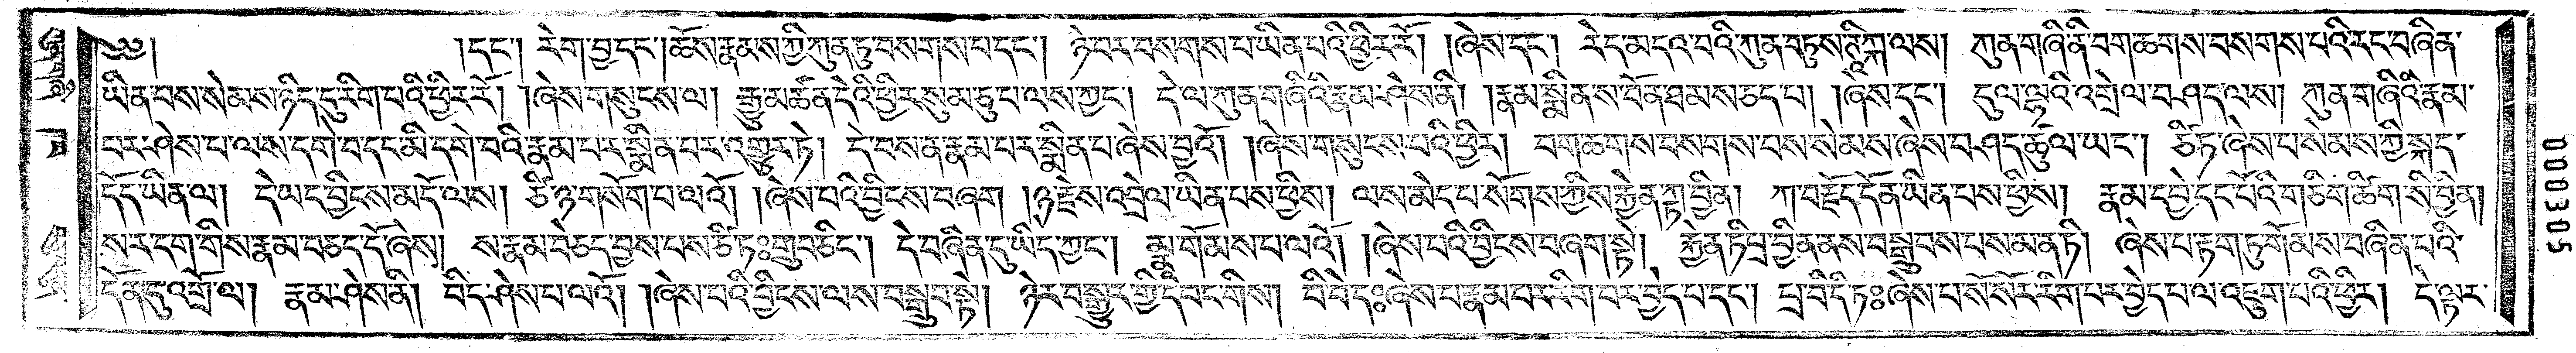༄༅། །དང་། རེག་བྱ་དང་། ཆོས་རྣམས་ཀྱི་ཀུན་ཏུ་བསགས་པ་དང་། ཉེ་བར་བསགས་པ་ཡིན་པའི་ཕྱིར་རོ། །ཞེས་དང་། རེད་མདའ་བའི་ཀུན་བཏུས་ཊཱིཀྐ་ལས། ཀུན་གཞི་ནི་བག་ཆགས་བསགས་པའི་རང་བཞིན་
ཡིན་པས་སེམས་ཉིད་དུ་རིག་པའི་ཕྱིར་རོ། །ཞེས་གསུངས་པ། རྒྱུ་མཚན་དེའི་ཕྱིར་སུམ་ཅུ་པ་ལས་ཀྱང་། དེ་ལ་ཀུན་གཞིའི་རྣམ་ཤེས་ནི། རྣམ་སྨིན་ས་བོན་ཐམས་ཅད་པ། །ཞེས་དང་། དུལ་ལྷའི་འགྲེལ་བཤད་ལེགས། ཀུན་གཞིའི་རྣམ་
པར་ཤེས་པ་ལས་དགེ་བ་དང་མི་དགེ་བའི་རྣམ་པར་སྨིན་པར་འགྱུར་ཏེ། དེ་བས་ན་རྣམ་པར་སྨིན་པ་ཞེས་བྱའོ། །ཞེས་གསུངས་པའི་ཕྱིར། བག་ཆགས་བསགས་པས་སེམས་ཞེས་བཤད་ཚུལ་ཡང་། ཙིཏ་ཞེས་པ་སེམས་ཀྱི་སྐད་
དོད་ཡིན་ལ། དེ་ཡང་བྱིངས་མདོ་ལས། ཙི་ཉ་གསོག་པ་ལའོ། །ཞེས་པའི་བྱིངས་བཞག །ཉ་རྗེས་འབྲེལ་ཡིན་པས་ཕྱིས། ལས་མེད་པ་སོགས་ཀྱིས་རྐྱེན་ཀྟ་བྱིན། ཀ་བརྗོད་དོན་ཡིན་པས་ཕྱིས། རྣམ་དབྱེ་དང་པོའི་གཅིག་ཚིག་སི་བྱིན།
ས་ར་དག་གིས་རྣམ་བཅད་དོ་ཞེས། ས་རྣམ་བཅེད་བྱས་པས་ཙིཏཿ གྲུབ་ཅིང་། དེ་བཞིན་དུ་ཡིད་ཀྱང་། མནཱ་གོམས་པ་ལའོ། །ཞེས་པའི་བྱིངས་བཞག་སྟེ། རྐྱེན་ཏེཔྲ་བྱིན་ནས་བསྒྲུབས་པས་མན་ཏི། ཞེས་པ་རྟག་ཏུ་གོམས་བཞིན་པའི་
དོན་དུ་འགྲོ་ལ། རྣམ་ཤེས་ནི། བིད་ཤེས་པ་ལའོ། །ཞེས་པའི་བྱིངས་ལས་བསྒྲུབ་སྟེ། ཉེར་བསྒྱུར་གྱི་དབང་གིས། བི་བེདཿཞེས་པ་རྣམ་པར་རིག་པར་བྱེད་པ་དང་། པྲ་བི་དི་ཏཿཞེས་པ་སོ་སོར་རིག་པར་བྱེད་པ་ལ་འཇུག་པའི་ཕྱིར། དེ་ལྟར་